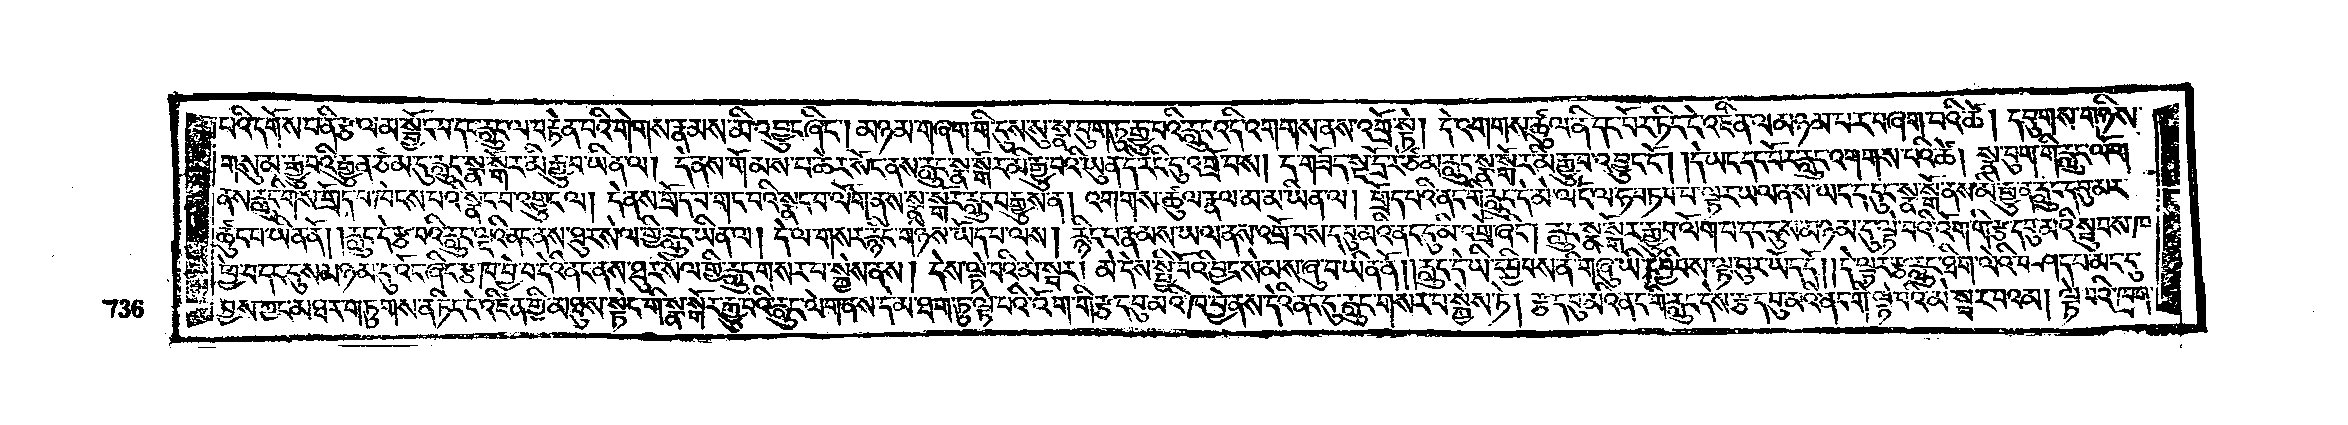པའི་དགོས་པ་ནི་རྩ་ལ་མ་སྦྱོང་བ་དང་རླུང་ལ་བརྟེན་པའི་གེགས་རྣམས་མི་འབྱུང་ཞིང་། མཉམ་གཞག་གི་དུས་སུ་སྣ་བུག་ཏུ་རྒྱུ་བའི་རླུང་འདི་འགགས་ནས་འགྲོ་སྟེ། དེ་འགགས་ཚུལ་ནི་དང་པོར་ཏིང་ངེ་འཛིན་ལ་མཉམ་པར་བཞག་པའི་ཚེ། དབུགས་གཉིས་
གསུམ་རྒྱུ་བའི་རྒྱུན་ཙམ་དུ་རླུང་སྣ་སྒོར་མི་རྒྱུ་བ་ཡིན་ལ། དེ་ནས་གོམས་པ་ཆེར་སོང་ནས་རླུང་སྣ་སྒོར་མི་རྒྱུ་བའི་ཡུན་དེ་རིང་དུ་འགྲོ་བས། ད་གཟོད་སྔ་དྲོ་རེ་ཙམ་རླུང་སྣ་སྒོར་མི་རྒྱུ་བ་འབྱུང་ངོ། །དེ་ཡང་དང་པོར་རླུང་འགགས་པའི་ཚེ། སྣ་བུག་གི་རླུང་ལོག་
ནས་རླུང་གིས་གྲོད་པ་ཁེངས་པའི་སྣང་བ་འགྱུར་ལ། དེ་ནས་གྲོད་པ་གང་བའི་སྣང་བ་ལོག་ནས་སྣ་སྒོར་རླུང་བརྒྱུས་ན། འགགས་ཚུལ་རྣལ་མ་མ་ཡིན་ལ། གྲོད་པའི་ནང་གི་རླུང་དེ་མེ་ལོང་ལ་ཧ་བཏབ་པ་ལྟར་ཡལ་ནས་ཡང་ད་དུད་སྣ་སྒོ་ནས་མི་རྒྱུ་ན་རླུང་དབུ་མར་
ཚུད་པ་ཡིན་ནོ། །རླུང་དེ་རྩ་བའི་རླུང་ལྔའི་ནང་ནས་ཐུར་སེལ་གྱི་རླུང་ཡིན་ལ། དེ་ལ་གསར་རྙིང་གཉིས་ཡོད་པ་ལས། རྙིང་པ་རྣམས་ཡལ་ནས་འགྲོ་བས་དབུ་མའི་ནང་དུ་མི་འགྲོ་ཞིང་། རླུང་སྣ་སྒོར་རྒྱུ་བ་ལོག་པ་དང་དུས་མཉམ་དུ་ལྟེ་བའི་འོག་གི་རྩ་དབུ་མའི་སྦུབས་ཁ་
ཕྱེ་བ་དང་དུས་མཉམ་དུ་འོང་ཞིང་རྩ་ཁ་བྱེ་བ་དེའི་ནང་ནས་ཐུར་སེལ་གྱི་རླུང་གསར་པ་སྐྱེས་ནས། དེས་ལྟེ་བའི་མེ་སྦར། མེ་དེས་སྤྱི་བོའི་བྱང་སེམས་ཞུ་བ་ཡིན་ནོ། །རླུང་དེ་ཡི་དབྱིབས་ནི་གཞུ་ཡི་དབྱིབས་ལྟ་བུར་ཡོད་དོ། །དེ་ལྟར་རྩ་རླུང་ཐིག་ལེའི་བཤད་པ་མང་དུ་
བྱས་ཀྱང་མཐར་གཏུགས་ན་ཏིང་ངེ་འཛིན་གྱི་མཐུས་སྟེང་གི་སྣ་སྒོར་རྒྱུ་བའི་རླུང་ལོག་ནས་དེ་མ་ཐག་ཏུ་ལྟེ་བའི་འོག་གི་རྩ་དབུ་མའི་ཁ་བྱེ་ནས་དེའི་ནང་དུ་རླུང་གསར་པ་སྐྱེས་ཏེ། རྩ་དབུ་མའི་ནང་གི་རླུང་དེས་རྩ་དབུ་མའི་ནང་གི་ལྟེ་བའི་མེ་སྦར་བའམ། ལྟེ་བའི་ཁྲ་